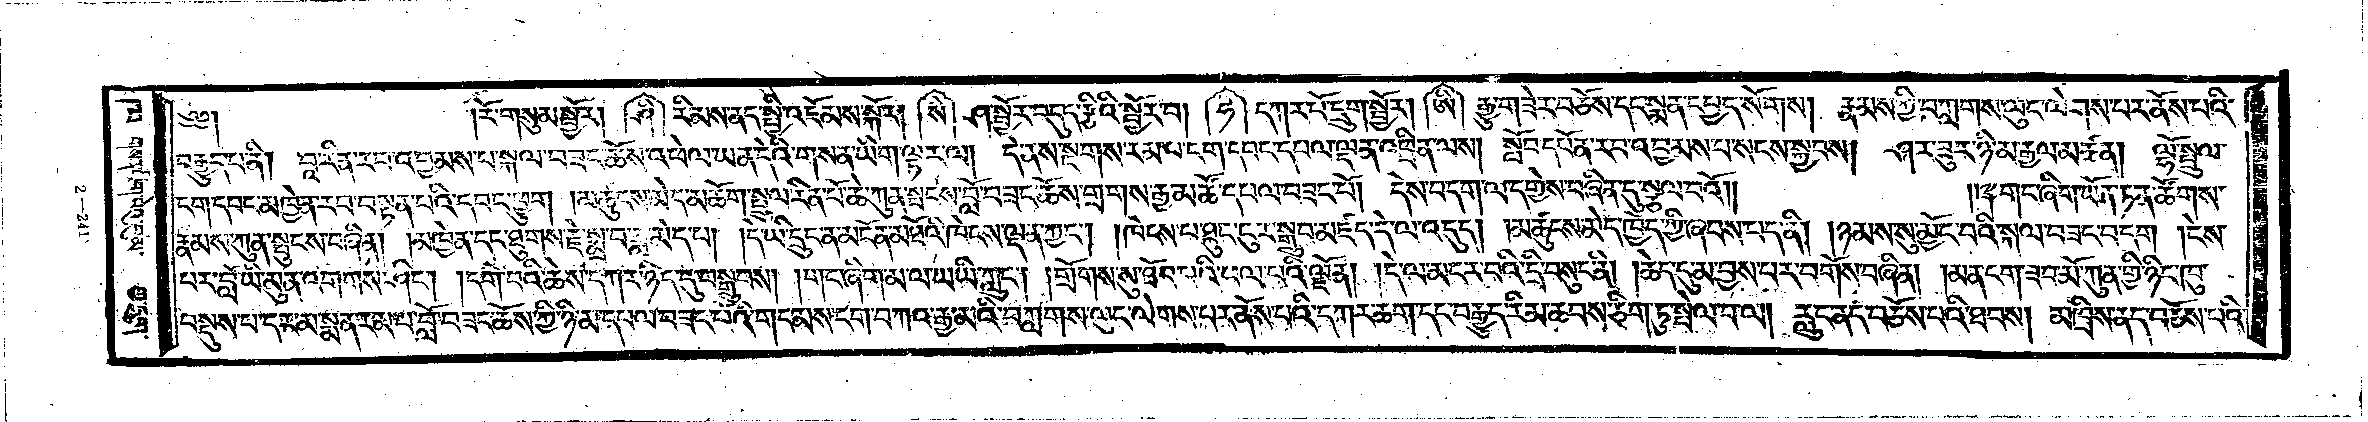༄༅། །རོ་གསུམ་སྦྱོར། ༼ཤི༽ རིམས་ནད་སྤྱི་འཇོམས་སྐོར། ༼སི༽ ཤ་སྦྱོར་བདུད་རྩིའི་སྦྱོར་བ། ༼ཧི༽ དཀར་པོ་དྲུག་སྦྱོར། ༼ཨི༽ རྒྱུ་གཟེར་བཅོས་དང་སྨན་དཔྱད་སོགས། རྣམས་ཀྱི་བཀླགས་ལུང་ལེགས་པར་ནོས་པའི་
བརྒྱུད་པ་ནི། བཱ་རིན་རབ་འབྱམས་པ་སྐལ་བཟང་ཆོས་འཕེལ་ཡན་དེའི་གསན་ཡིག་ལྟར་ལ། དེ་ནས་སྔགས་རམ་པ་ངག་དབང་དཔལ་ལྡན་འཕྲིན་ལས། སློབ་དཔོན་རབ་འབྱམས་པ་སངས་སྐྱབས། ཤར་ཟུར་ཉི་མ་རྒྱལ་མཚན། ལྷོ་སྤྲུལ་
ངག་དབང་མཁྱེན་རབ་བསྟན་པའི་དབང་ཕྱུག །མཚུངས་མེད་མཆོག་སྤྲུལ་རིན་པོ་ཆེ་ཀུན་སྤངས་བློ་བཟང་ཆོས་གྲགས་རྒྱ་མཚོ་དཔལ་བཟང་པོ། དེས་བདག་ལ་དགྱེས་བཞིན་དུ་སྩལ་བའོ།། །།༈གང་ཞིག་ཡོན་ཏན་ཚོགས་
རྣམས་ཀུན་སྤུངས་བཞིན། །མཁྱེན་དང་ཐུགས་རྗེ་སྨྲ་བ་ཟླ་མེད་པ། །དེ་ཡི་དྲུང་ན་མངོན་མཐོའི་ཁེངས་ལྡན་ཀྱང་། །ཁེངས་པ་ཐུང་ངུར་སྒྲུབ་མཛད་དེ་ལ་འདུད། །མཚུངས་མེད་ཁྱོད་ཀྱི་ཞབས་པད་ནི། །ཉམས་སུ་མྱོང་བའི་སྐལ་བཟང་བདག །ངེས་
པར་བློ་ཡི་མུན་འགགས་ཤིང་། །དགེ་བའི་ཆེས་དཀར་ཉིད་དུ་བསྒྲུབས། །གང་ཞིག་མ་ལ་ཡ་ཡི་ཀླུང་། །གྲོགས་སུ་ཐོབ་པའི་ཕལ་པའི་ལྗོན། །དེ་ལ་མངར་བའི་དྲི་བསུང་ནི། །ཆེད་དུ་མ་བྱས་པར་བགོས་བཞིན། །མན་ངག་ཟབ་མོ་ཀུན་གྱི་ཉིང་ཁུ་
བསྡུས་པ་དར་མ་སྨན་རམ་པ་བློ་བཟང་ཆོས་ཀྱི་ཉི་མ་དཔལ་བཟང་པོའི་གདམས་ངག་བཀའ་རྒྱ་མའི་བཀླགས་ལུང་ལེགས་པར་ནོས་པའི་དཀར་ཆག་དང་བརྒྱུད་རིམ་ཆབས་ཅིག་ཏུ་སྤེལ་བ་ལ། རླུང་ནད་བཅོས་པའི་ཐབས། མཁྲིས་ནད་བཅོས་པའི་